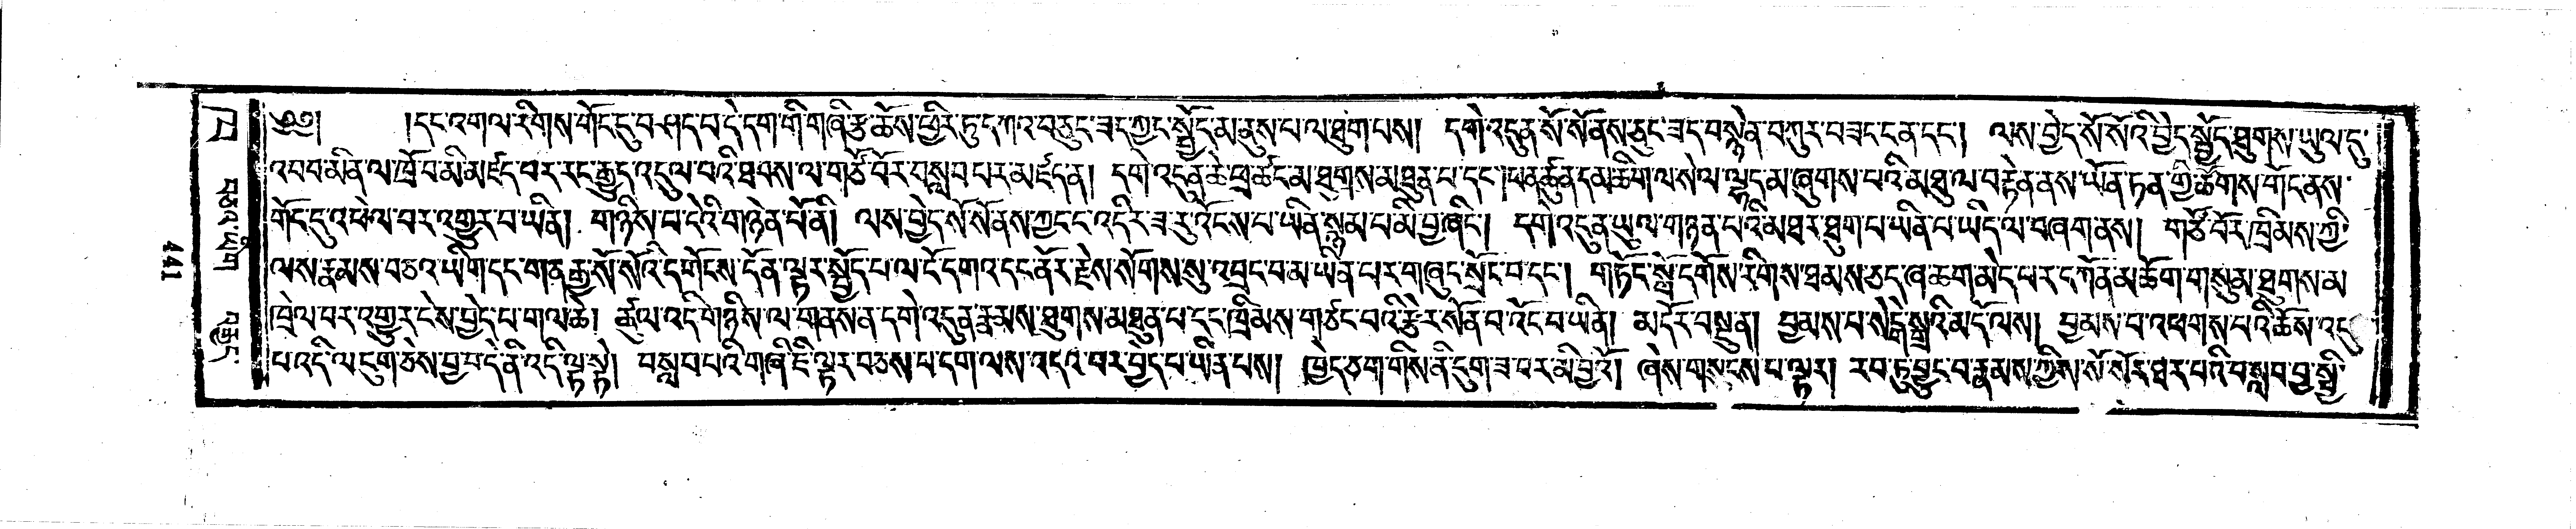༄༅། །དང་འགལ་རིགས་གོང་དུ་བཤད་པ་དེ་དག་གི་གཞི་རྩ་ཆོས་ཀྱི་ཕྱིར་ཏུ་དཀའ་བཅུང་ཟད་ཀྱང་སྦྱོད་མ་ནུས་པ་ལ་ཐུག་པས། དགེ་འདུན་སོ་སོ་ནས་ཅུང་ཟད་བསྙེན་བཀུར་བཟང་ངན་དང་། ལས་བྱེད་སོ་སོའི་བྱེད་སྦྱོད་ཐུགས་ཡུལ་དུ་
འབབ་མིན་ལ་ཁྲོ་བ་མི་མཛད་བར་རང་རྒྱུད་འདུལ་བའི་ཐབས་ལ་གཙོ་བོར་བསླབ་པར་མཛད་ན། དགེ་འདུན་ཆེ་ཕྲ་ཚང་མ་ཐུགས་མཐུན་པ་དང་།ཕན་ཚུན་དམ་ཆིག་ལ་སེལ་ལྷད་མ་ཞུགས་པའི་མཐུ་ལ་བརྟེན་ནས་ཡོན་ཏན་གྱི་ཚོགས་གོང་ནས་
གོང་དུ་འཕེལ་བར་འགྱུར་བ་ཡིན། གཉིས་པ་དེའི་གཉེན་པོ་ནི། ལས་བྱེད་སོ་སོ་ནས་ཀྱང་ང་འདིར་ཟ་རུ་འོངས་པ་ཡིན་སྙམ་པ་མི་བྱ་ཞིང་། དགེ་འདུན་ཡུལ་གཉན་པའི་མཐར་ཐུག་པ་ཡིན་པ་ཡིད་ལ་བཞག་ནས། གཙོ་བོར་ཁྲིམས་ཀྱི་
ལས་རྣམས་བཅའ་ཡིག་དང་གན་རྒྱ་སོ་སོའི་དགོངས་དོན་ལྟར་སྦྱོད་པ་ལ་ངོ་དགའ་དང་ནོར་རྗེས་སོགས་སུ་འབྲང་བ་མ་ཡིན་པར་གཞུང་སྲོང་བ་དང་། གཏོང་སྤོ་དགོས་རིགས་ཐམས་ཅད་ཞ་ཆག་མེད་བར་དཀོན་མཆོག་གསུམ་ཐུགས་མ་
ཁྲེལ་བར་འགྱུར་ངེས་བྱེད་པ་གལ་ཆེ། ཚུལ་འདི་གཉིས་ལ་གནས་ན་དགེ་འདུན་རྣམས་ཐུགས་མཐུན་པ་དང་ཁྲིམས་གཙང་བའི་རྩེར་སོན་པ་འོང་བ་ཡིན། མདོར་བསྡུ་ན། བྱམས་པ་སེངྒེ་སྒྲའི་མདོ་ལས། བྱམས་པ་འཕགས་པའི་ཆོས་འདུལ་
པ་འདི་ལ་དུག་ཅེས་བྱ་བ་དེ་ནི་འདི་ལྟ་སྟེ། བསླབ་པའི་གཞི་ཇི་ལྟར་བཅས་པ་དག་ལས་འདའ་བར་བྱེད་པ་ཡིན་པས། ཁྱེད་ཅག་གིས་ནི་དུག་ཟ་བར་མི་བྱའོ། ཞེས་གསུངས་པ་ལྟར། རབ་ཏུ་བྱུང་བ་རྣམས་ཀྱིས་སོ་སོར་ཐར་པའི་བསླབ་བྱ་སྦྱི་